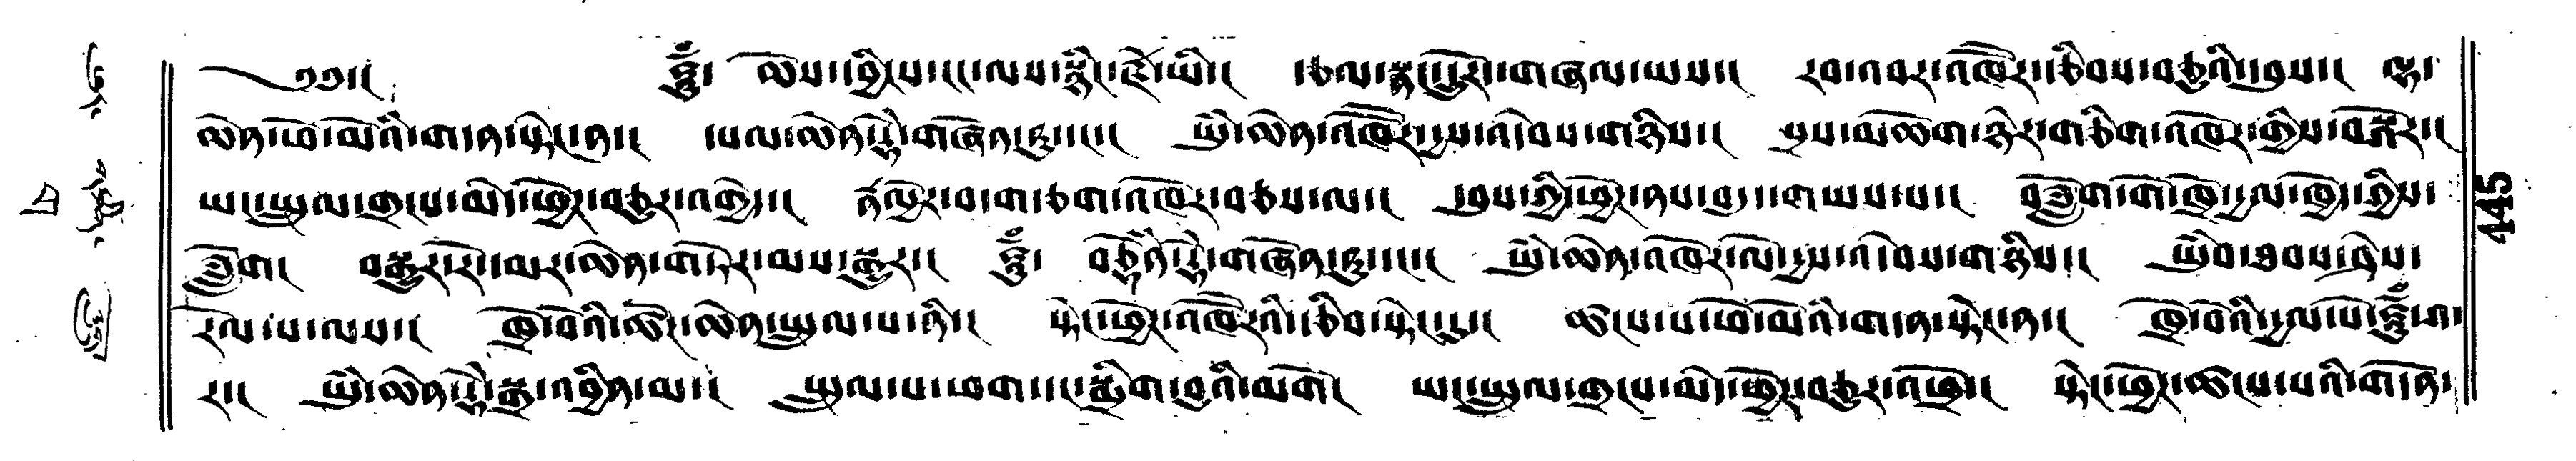༄༅། ཧཱུྃ། ཆོས་དབྱིངས་ངང་ལས་སྙིང་རྗེ་ཡི། །རྩལ་སྣང་དུར་ཁྲོད་གཞལ་ཡས་ཁང་། །རབ་འབར་འཁོར་ལོ་རྩིབས་བཅུའི་དབུས། །ལྷ་
ཆེན་ཕོ་མོའི་གདན་སྟེང་ན། །དཔལ་ཆེན་རྡོ་རྗེ་གཞོན་ནུ་དང་། །ཡུམ་ཆེན་འཁོར་ལོ་རྒྱས་འདེབས་གཉིས། །སྲས་མཆོག་ཉེར་གཅིག་འཁོར་གྱིས་བསྐོར། །
ཡང་སྤྲུལ་གྲངས་མེད་ཕྱོགས་བཅུར་འགྱེད། །རྣལ་འབྱོར་བདག་ཅག་འཁོར་བཅས་ལ། །དབུས་ཀྱི་ཕྱོགས་ནས་བདུད་གཡོས་པ། །བཟློག་གོ་ཁྲོ་རྒྱལ་ཁྱོད་ཀྱིས་
ཟློག བསྒྱུར་རོ་དམར་ཆེན་གཏོར་མས་སྒྱུར། ཧཱུྃ། བཅོམ་ལྡན་རྡོ་རྗེ་གཞོན་ནུ་དང་། །ཡུམ་ཆེན་འཁོར་ལོ་རྒྱས་འདེབས་གཉིས། །ཡབ་ཡུམ་ཐབས་ཤེས་
རོལ་པ་ལས། ཁྲོ་བོའི་ཚོགས་ཆེན་སྤྲུལ་པ་ནི། །སྟེང་ཕྱོགས་འཁོར་ལོའི་རྩིབས་སྟེང་དུ། །ཚངས་པ་ཕོ་མོའི་གདན་སྟེང་ན། ཁྲོ་བོའི་རྒྱལ་པོ་ཧཱུྃ་ཀ་
ར། །ཡུམ་ཆེན་རྡོ་རྗེ་སྒྲ་འབྱིན་མ། །སྤྲུལ་པ་ཕག་དང་སྨྲིག་བུའི་མགོ ཡང་སྤྲུལ་གྲངས་མེད་ཕྱོགས་བཅུར་འཕྲོ། །སྟེང་ཕྱོགས་ཚངས་པའི་གདོན་